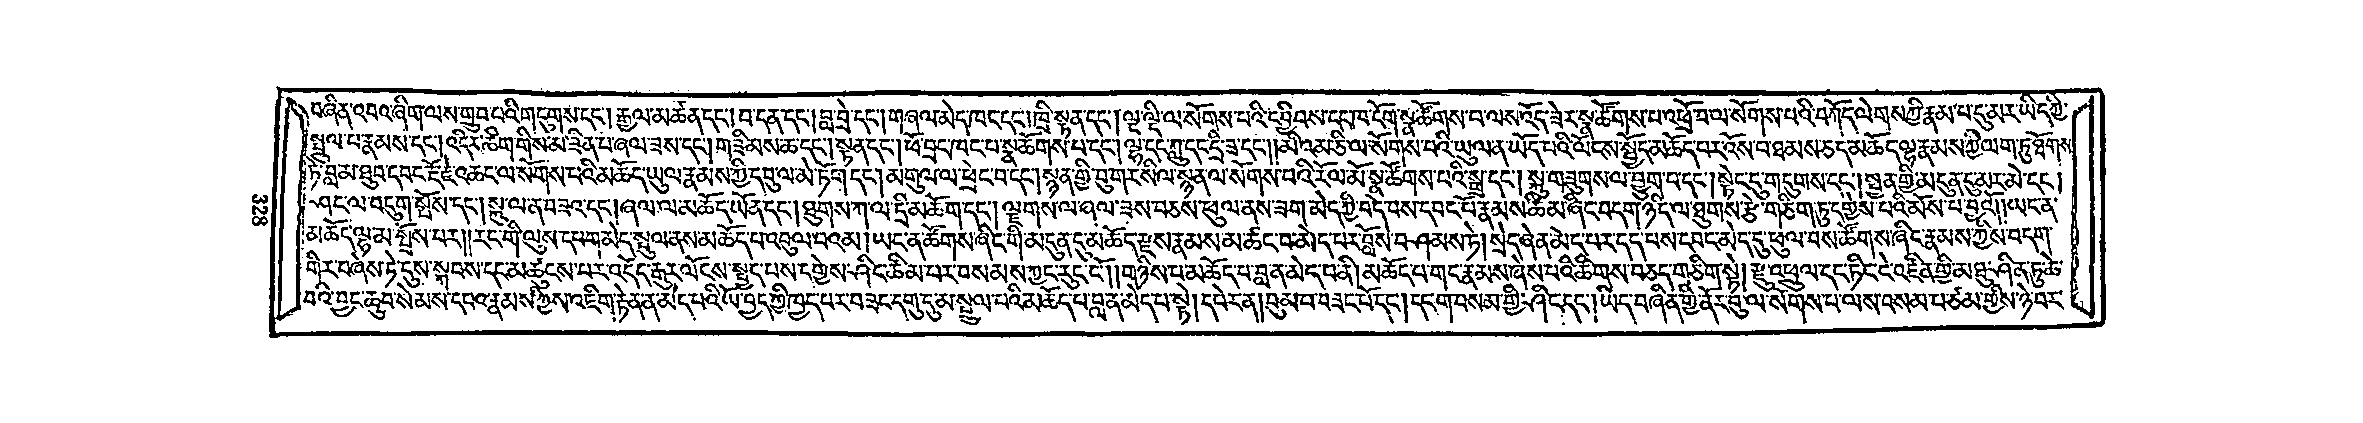བཞིན་འབའ་ཞིག་ལས་གྲུབ་པའི་གདུགས་དང་། རྒྱལ་མཚན་དང་། བ་དན་དང་། བླ་བྲེ་དང་། གཞལ་མེད་ཁང་དང་། ཁྲི་སྟན་དང་། ལྔ་ལྡི་ལ་སོགས་པའི་དབྱིབས་དང་ཁ་དོག་སྣ་ཚོགས་པ་ལས་འོད་ཟེར་སྣ་ཚོགས་པ་འཕྲོ་བ་ལ་སོགས་པའི་བཀོད་ལེགས་ཀྱི་རྣམ་པ་དུ་མར་ཡིད་ཀྱི་
སྤྲུལ་པ་རྣམས་དང་། འདིར་ཚིག་གིས་མ་ཟིན་པ་ཞལ་ཟས་དང་། གཟིམས་ཆ་དང་། སྟན་དང་། ཕོ་བྲང་ཁང་པ་སྣ་ཚོགས་པ་དང་། ལྷ་དང་ཀླུ་དང་དྲི་ཟ་དང་། །མིའམ་ཅི་ལ་སོགས་པའི་ཡུལ་ན་ཡོད་པའི་ལོངས་སྤྱོད་མཆོད་པར་འོས་པ་ཐམས་ཅད་མཆོད་ལྷ་རྣམས་ཀྱི་ལག་ཏུ་ཐོགས་
ཏེ་བླ་མ་ཐུབ་དབང་རྡོ་རྗེ་འཆང་ལ་སོགས་པའི་མཆོད་ཡུལ་རྣམས་ཀྱི་དབུ་ལ་མེ་ཏོག་དང་། མགུལ་ལ་ཕྲེང་བ་དང་། སྙན་གྱི་བུ་གར་སིལ་སྙན་ལ་སོགས་པའི་རོལ་མོ་སྣ་ཚོགས་པའི་སྒྲ་དང་། སྐུ་གཟུགས་ལ་བྱུག་པ་དང་། སྟེང་དུ་གདུགས་དང་། སྤྱན་གྱི་མདུན་དུ་མར་མེ་དང་།
ཤང་ལ་བདུག་སྤོས་དང་། སྐུ་ལ་ན་བཟའ་དང་། ཞལ་ལ་མཆོད་ཡོན་དང་། ཐུགས་ཀ་ལ་དྲི་མཆོག་དང་། ལྗགས་ལ་ཞལ་ཟས་བཅས་ཕུལ་ནས་ཟག་མེད་ཀྱི་བདེ་བས་དབང་པོ་རྣམས་ཚིམ་ཞིང་བདག་ཉིད་ལ་ཐུགས་རྩེ་གཅིག་ཏུ་དགྱེས་པའི་མོས་པ་བྱའོ། །ཡང་ན་
མཆོད་ལྷ་མ་སྤྲོས་པར། །རང་གི་ལུས་དཔག་མེད་སྤུལ་ནས་མཆོད་པ་འབུལ་བའམ། ཡང་ན་ཚོགས་ཞིང་གི་མདུན་དུ་མཆོད་རྫས་རྣམས་མ་ཚང་བ་མེད་པར་བློས་བཤམས་ཏེ། སྲེད་ཞེན་མེད་པར་དད་པས་དབང་མེད་དུ་ཕུལ་བས་ཚོགས་ཞིང་རྣམས་ཀྱིས་བདག་
གིར་བཞེས་ཏེ་དུས་སྐབས་དང་མཚུངས་པར་འདོད་རྒུར་ལོངས་སྤྱད་པས་དགྱེས་ཤིང་ཚིམ་པར་བསམས་ཀྱང་རུང་ངོ། །གཉིས་པ་མཆོད་པ་བླ་ན་མེད་པ་ནི། མཆོད་པ་གང་རྣམས་ཞེས་པའི་ཚིགས་བཅད་གཅིག་སྟེ། རྫུ་འཕྲུལ་དང་ཏིང་ངེ་འཛིན་གྱི་མཐུ་ཤིན་ཏུ་ཆེ་
བའི་བྱང་ཆུབ་སེམས་དཔའ་རྣམས་ཀྱིས་འཇིག་རྟེན་ན་མེད་པའི་ཡོ་བྱད་ཀྱི་ཁྱད་པར་བཟང་དགུ་དུ་མ་སྤྲུལ་པའི་མཆོད་པ་བླ་ན་མེད་པ་སྟེ། དཔེར་ན། བུམ་པ་བཟང་པོ་དང་། དང་ག་བསམ་གྱི་ཤིང་དང་། ཡིད་བཞིན་གྱི་ནོར་བུ་ལ་སོགས་པ་ལས་བསམ་པ་ཙམ་གྱིས་ཉེ་བར་